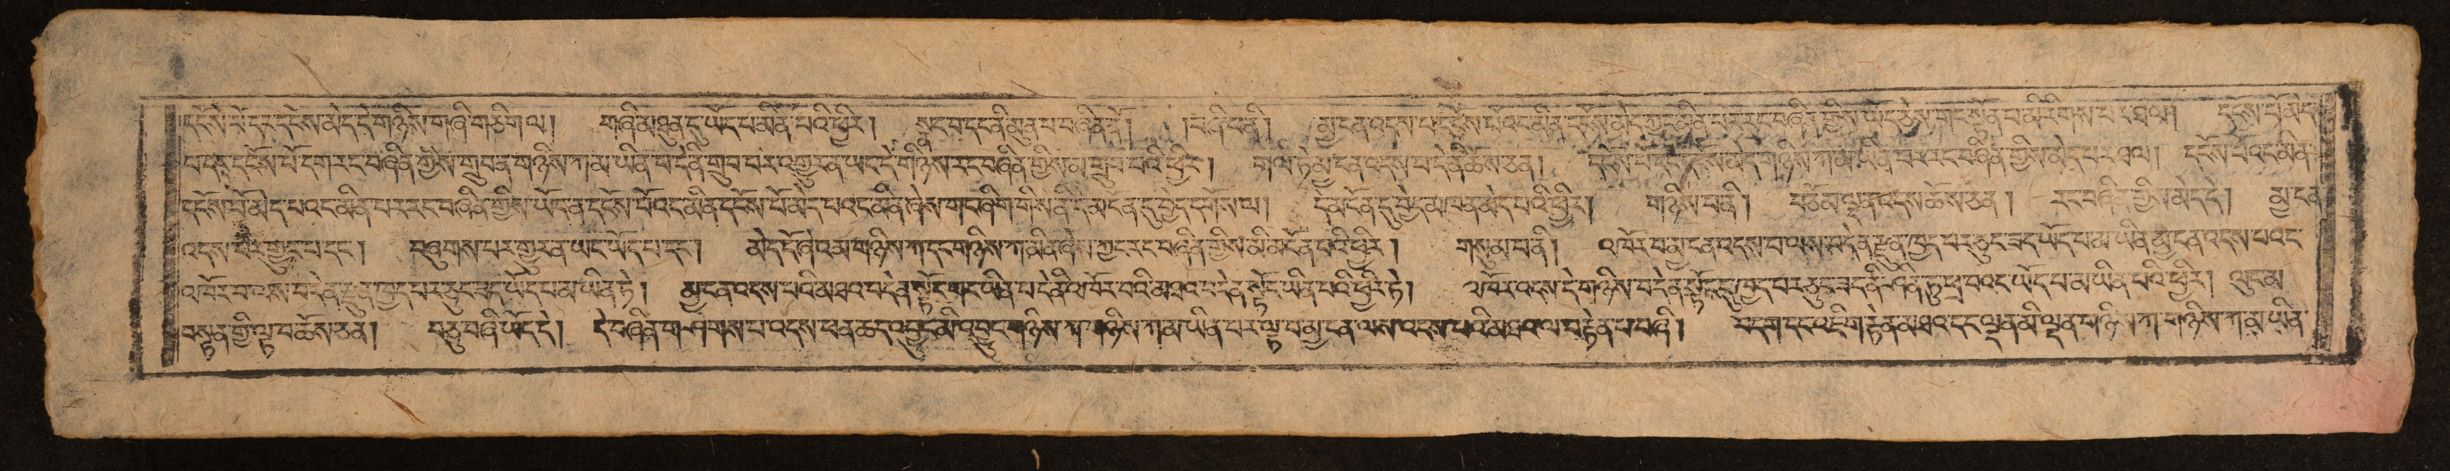དངོས་པོ་དང་དངོས་མེད་དེ་གཉིས་གཞི་གཅིག་ལ། གཞ་མཐུན་དུ་ཡོད་པ་མིན་པའི་ཕྱིར། སྣང་བ་དང་ནི་མུན་པ་བཞིན་ནོ། །བཞི་པ་ནི། མྱ་ངན་འདས་པ་དངོས་པོའང་མིན་དངོས་མེད་ཀྱང་མིན་པར་རང་བཞིན་གྱིས་ཡོད་ཅེས་གང་སྟོན་པ་མི་རིགས་པར་ཐལ། དངོས་པོ་མེད་
པ་དང་དངོས་པོ་དག་རང་བཞིན་གྱིས་གྲུབ་ན་གཉིས་ཀ་མ་ཡིན་པ་དེ་ནི་གྲུབ་པར་འགྱུར་ན་ཡང་དེ་གཉིས་རང་བཞིན་གྱིས་མ་གྲུབ་པའི་ཕྱིར། གལ་ཏེ་མྱ་ངན་འདས་པ་དེ་ནི་ཆོས་ཅན། དངོས་པོ་དང་དངོས་མེད་གཉིས་ཀ་མ་ཡིན་པར་རང་བཞིན་གྱིས་མེད་པར་ཐལ། དངོས་པོའང་མིན་
དངོས་པོ་མེད་པའང་མིན་པར་རང་བཞིན་གྱིས་ཡོད་ན་དངོས་པོའང་མིན་དངོས་པོ་མེད་པའང་མིན་ཞེས་གང་ཞིག་གིས་ནི་དེ་མངོན་དུ་བྱེད་དགོས་ལ། དེ་མངོན་དུ་བྱེད་མཁན་མེད་པའི་ཕྱིར། གཉིས་པ་ནི། བཅོམ་ལྡན་འདས་ཆོས་ཅན། རང་བཞིན་གྱིས་མེད་དེ། མྱ་ངན་
འདས་པར་གྱུར་པ་དང་། བཞུགས་པར་གྱུར་ན་ཡང་ཡོད་པ་དང་། མེད་དོ་ཞེའམ་གཉིས་ཀ་དང་གཉིས་ཀ་མིན་ཞེས་ཀྱང་རང་བཞིན་གྱིས་མི་མངོན་པའི་ཕྱིར། གསུམ་པ་ནི། འཁོར་བ་མྱ་ངན་འདས་པ་ལས་བདེན་རྫུན་ཁྱད་པར་ཅུང་ཟད་ཡོད་པ་མ་ཡིན་མྱ་ངན་འདས་པའང་
འཁོར་བ་ལས་བདེན་རྫུན་ཁྱད་པར་ཅུང་ཟད་ཡོད་པ་མ་ཡིན་ཏེ། མྱ་ངན་འདས་པའི་མཐའ་བདེན་སྟོང་གང་ཡིན་པ་དེ་ནི་འཁོར་བའི་མཐའ་བདེན་སྟོང་ཡིན་པའི་ཕྱིར་ཏེ། འཁོར་འདས་དེ་གཉིས་བདེན་སྟོང་དུ་ཁྱད་པར་ཅུང་ཟད་ནི་ཤིན་ཏུ་ཕྲ་བའང་ཡོད་པ་མ་ཡིན་པའི་ཕྱིར། ལུང་མ་
བསྟན་གྱི་ལྟ་བ་ཆོས་ཅན། བཅུ་བཞི་ཡོད་དེ། དེ་བཞིན་གཤེགས་པ་འདས་ཕན་ཆད་འབྱུང་མི་འབྱུང་གཉིས་ཀ་གཉིས་ཀ་མ་ཡིན་པར་ལྟ་བ་མྱ་ངན་ལས་འདས་པའི་མཐའ་ལ་བརྟེན་པ་བཞི། བདག་དང་འཇིག་རྟེན་མཐའ་དང་ལྡན་མི་ལྡན་གཉིས་ཀ་གཉིས་ཀ་མ་ཡིན་